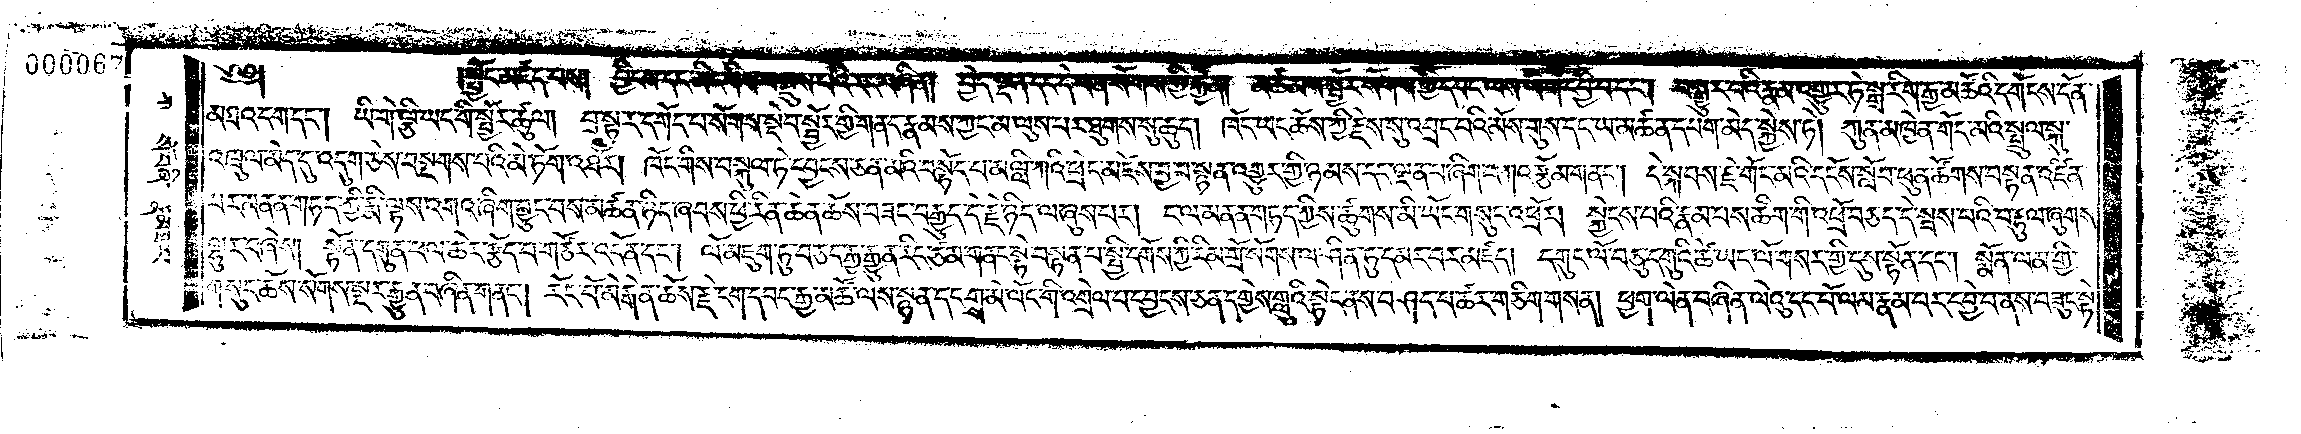༄༅། །སྤྱོང་མཛད་པས། བྱིངས་དང་མིང་གིས་བསྡུས་པའི་རང་བཞིན། བྱེད་ལྡན་དང་དེ་ཕན་སོགས་ཀྱི་རྐྱེན། མཚམས་སྦྱོར་སོགས་ཀྱི་དབང་ལས་ཡི་གེ་དབྱི་བ་དང་། བསྒྱུར་བའི་རྣམ་འགྱུར་ཏེ་སྒྲ་རིག་རྒྱ་མཚོའི་དགོངས་དོན་
མཐའ་དག་དང་། ཡི་གེ་ལྕི་ཡང་གི་སྤྱོར་ཚུལ། བྲ་སྟར་དགོད་པ་སོགས་སྡེབ་སྦྱོར་གྱི་གནང་རྣམས་ཀྱང་མ་ལུས་པར་ཐུགས་སུ་ཆུད། ཁོང་ཡང་ཆོས་ཀྱི་རྗེས་སུ་འབྲང་བའི་མོས་གུས་དང་ཡ་མཚན་དཔག་མེད་སྐྱེས་ཏེ། ཀུན་མཁྱེན་གོང་མའི་སྤྲུལ་སྐུ་
འཁྲུལ་མེད་དུ་འདུག་ཅེས་བསྔགས་པའི་མེ་ཏོག་འཐོར། ཁོང་གིས་བསྐུལ་ཏེ་དབྱངས་ཅན་མའི་བསྟོད་པ་མལླི་ཀའི་ཕྲེང་མཛེས་བྱ་བ་སྙན་འགྱུར་གྱི་ཉམས་དང་ལྡན་པ་ཞིག་བཀའ་རྩོམ་གནང་། དེ་སྐབས་རྗེ་གོང་མའི་དངོས་སློབ་ཕུན་ཚོགས་བསྟན་འཛིན་
པར་མནན་གཏད་ཀྱི་རྨི་ལྟས་འགའ་ཞིག་བྱུང་བས་མཚན་ཉིད་ཞབས་ཕྱི་རིན་ཆེན་ཆོས་བཟང་བརྒྱུད་དེ་རྗེ་ཉིད་ལ་ཞུས་པར། ང་ལ་མནན་གཏད་ཀྱིས་ཚུགས་མི་ཡོང་གསུང་འཕྲོར། སྐྱེངས་པའི་རྣམ་པས་ཚིག་གི་འཕྲོ་བཅད་དེ་སྦས་པའི་བརྟུལ་ཞུགས་
ལྷུར་བཞེས། སྟོན་དགུན་ཕལ་ཆེར་རྩོད་པ་གཙོར་འདོན་དང་། ལོ་མཇུག་ཏུ་བཅད་རྒྱ་རྒྱུན་རིང་ཙམ་གནང་སྟེ་བསྟན་པ་སྤྱི་དགོས་ཀྱི་རིམ་གྲོ་སོགས་ལ་ཤིན་ཏུ་དམར་བར་མཛད། དགུང་ལོ་བཅུ་དགུའི་ཚེ་ཡང་ལོ་གསར་གྱི་དུས་སྟོན་དང་། སྨོན་ལམ་གྱི་
གསུང་ཆོས་སོགས་སྔར་རྒྱུན་བཞིན་གནང་། རོང་བོ་མེ་རྒེན་ཆོས་རྗེ་ངག་དབང་རྒྱ་མཚོ་ལས་སྙན་དངགས་མེ་ལོང་གི་འགྲེལ་པ་དབྱངས་ཅན་དགྱེས་གླུའི་སྟེང་ནས་བཤད་པ་ཚར་གཅིག་གསན། ཕྱག་ལེན་བཞིན་ལེའུ་དང་པོ་ལམ་རྣམ་པར་དབྱེ་བ་ནས་བཟུང་སྟེ་